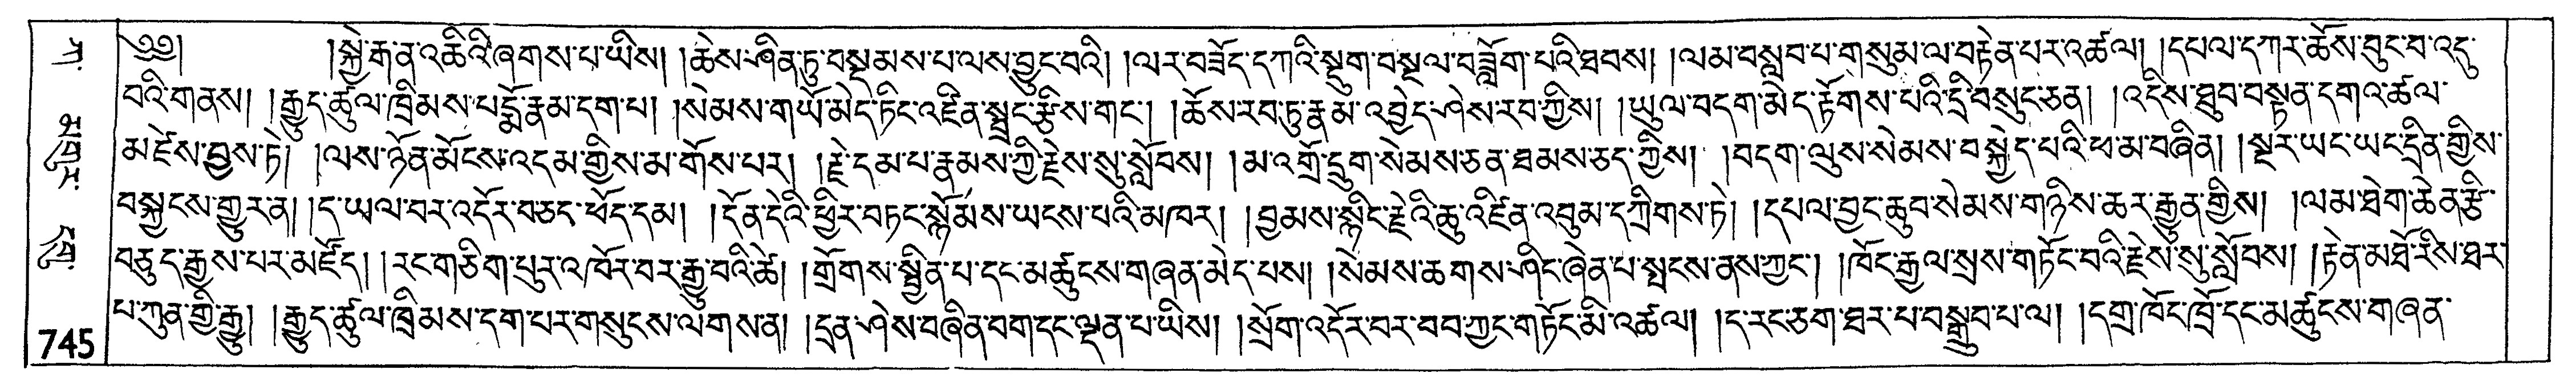༄༅། །སྐྱེ་རྒ་ན་འཆིའི་ཞགས་པ་ཡིས། །ཆེས་ཤིན་ཏུ་བསྡམས་པ་ལས་བྱུང་བའི། །ལར་བཟོད་དཀའི་སྡུག་བསྔལ་བཟློག་པའི་ཐབས། །ལམ་བསླབ་པ་གསུམ་ལ་བརྟེན་པར་འཚལ། །དཔལ་དཀར་ཆོས་བུང་བ་འདུ་
བའི་གནས། །རྒྱུད་ཚུལ་ཁྲིམས་པདམོ་རྣམ་དག་པ། །སེམས་གཡོ་མེད་ཏིང་འཛིན་སྦྲང་རྩིས་གང་། །ཆོས་རབ་ཏུ་རྣམ་འབྱེད་ཤེས་རབ་ཀྱིས། །ཡུལ་བདག་མེད་རྟོགས་པའི་དྲི་བསུང་ཅན། །འདིས་ཐུབ་བསྟན་དགའ་ཚལ་
མཛེས་བྱས་ཏེ། །ལས་ཉོན་མོངས་འདམ་གྱིས་མ་གོས་པར། །རྗེ་དམ་པ་རྣམས་ཀྱི་རྗེས་སུ་སློབས། །མ་འགྲོ་དྲུག་སེམས་ཅན་ཐམས་ཅད་ཀྱིས། །བདག་ལུས་སེམས་བསྐྱེད་པའི་ཕ་མ་བཞིན། །སྔར་ཡང་ཡང་དྲིན་གྱིས་
བསྐྱངས་གྱུར་ན། །ད་ཡལ་བར་འདོར་བ་ཅང་ཕོད་དམ། །དོན་དེའི་ཕྱིར་བཏང་སྙོམས་ཡངས་པའི་མཁར། །བྱམས་སྙིང་རྗེའི་ཆུ་འཛིན་འབུམ་དཀྲིགས་ཏེ། །དཔལ་བྱང་ཆུབ་སེམས་གཉིས་ཆར་རྒྱུན་གྱིས། །ལམ་ཐེག་ཆེན་རྩི་
བཅུད་རྒྱས་པར་མཛོད། །རང་གཅིག་པུར་འཁོར་བར་རྒྱུ་བའི་ཚེ། །གྲོགས་སྦྱིན་པ་དང་མཚུངས་གཞན་མེད་པས། །སེམས་ཆགས་ཤིང་ཞེན་པ་སྤངས་ནས་ཀྱང་། །ཁོང་རྒྱལ་སྲས་གཏོང་བའི་རྗེས་སུ་སློབས། །རྟེན་མཐོ་རིས་ཐར་
པ་ཀུན་གྱི་རྒྱུ། །རྒྱུད་ཚུལ་ཁྲིམས་དག་པར་གསུངས་ལགས་ན། །དྲན་ཤེས་བཞིན་བག་དང་ལྡན་པ་ཡིས། །སྲོག་འདོར་བར་བབ་ཀྱང་གཏོང་མི་འཚལ། །ད་རང་ཅག་ཐར་པ་བསྒྲུབ་པ་ལ། །དགྲ་ཁོང་ཁྲོ་དང་མཚུངས་གཞན་